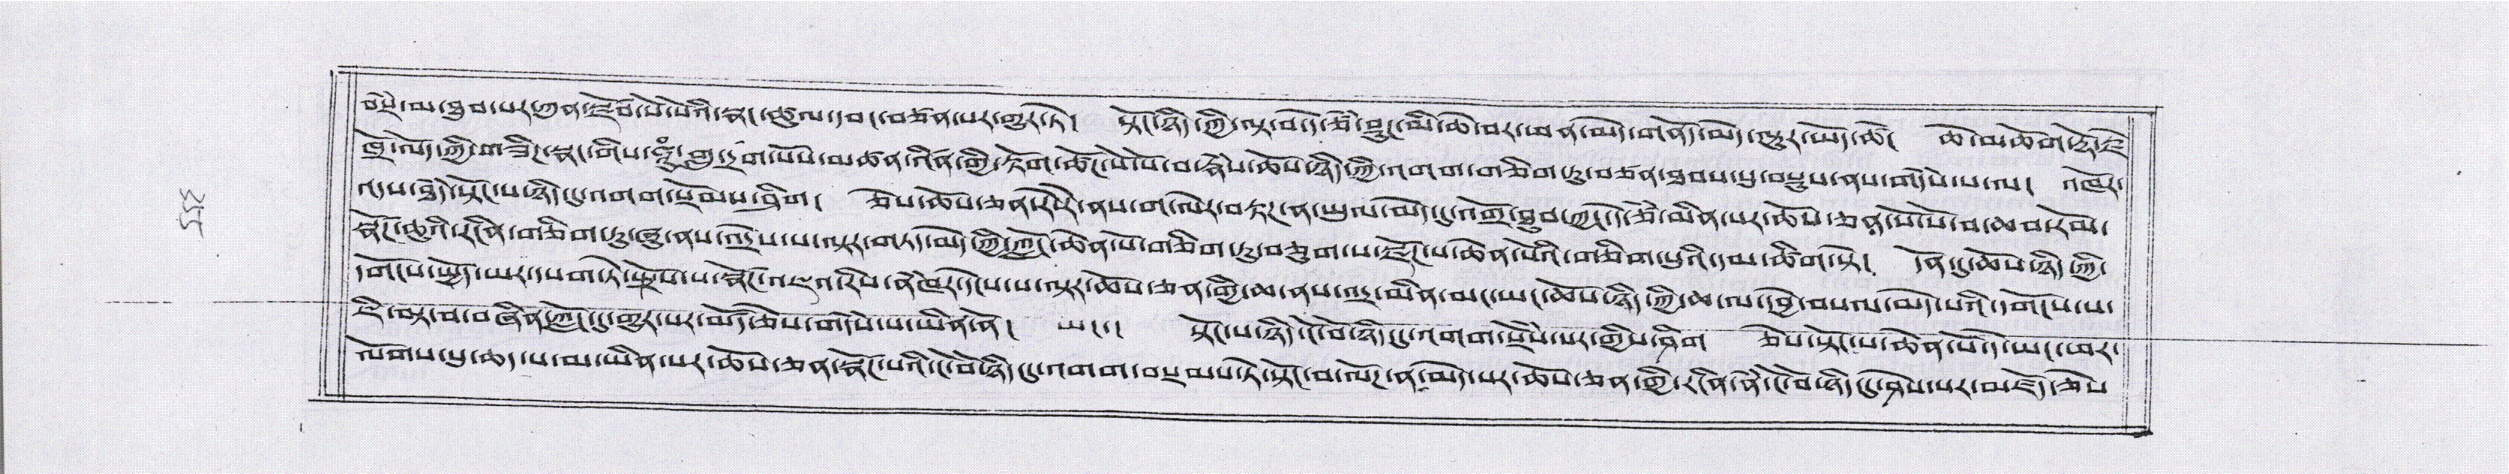བསྡམ་མ་ཐུབ་པར་ཀུན་རྫོབ་སོ་སོའི་སྣང་ཚུལ་དབང་བཙན་པར་གྱུར་ཏེ། སྟོང་ཉིད་ཀྱི་ལྟ་བ་དེ་ཙམ་ཤུགས་མི་ཆེ་བར་ཕན་མེད་གནོད་མེད་ལྟ་བུར་ཡོད་ཚེ། ཆེ་མཆོག་རྡོ་རྗེ་
ཁྲོ་ལོད་ཀྱི་གཟིགས་སྣང་གིས་ཧཱུཾ་གླུ་དྲག་པོས་མཚན་འཛིན་གྱི་རྟོག་ཚོགས་སོ་སོ་བ་རྣམས་ཆོས་ཉིད་ཀྱི་འགག་གཅིག་ཏུ་བཙན་ཐབས་སུ་བསྡུས་ནས་གདམས་པ་ལ། འཁོར་
འདས་ཐམས་ཅད་སྟོང་པ་ཉིད་དུ་འགག་སྡོམས་ཤིག ཅེས་ཆོས་ཅན་རེ་རེ་ནས་ག་ལེར་བརྟགས་ན་ཡུལ་མེད་དུ་འགྲོ་ཐུབ་ཀྱང་དེ་ཙམ་མིན་པར་ཆོས་ཅན་སོ་སོ་བ་ཆབ་རོམ་
སྣ་ཚོགས་ཆུའི་རང་བཞིན་གཅིག་ཏུ་ཞུ་ནས་འདྲེས་པ་ལྟར་གཏད་མེད་ཀྱི་ཀློང་ཆེན་པོ་གཅིག་ཏུ་བཅུག་པ་རྫོགས་པ་ཆེན་པོའི་གཅིག་པུའི་དམ་ཚིག་སྟེ། དོན་དུ་ཆོས་ཉིད་ཀྱི་
དགོངས་སྤྱོད་ཡར་དཔག་ཏེ་སྤྲོས་པ་སྣ་ཚོགས་འཇའ་རིས་ནམ་མཁར་དེངས་པ་ལྟར་ཆོས་ཅན་གྱི་ཆ་ནས་འདྲ་མིན་མང་ཡང་ཆོས་ཉིད་ཀྱི་ཆ་ལ་དབྱེ་བསལ་མེད་པའི་དགོངས་པ་
ཇི་ལྟ་བ་བཞིན་ཀློང་དུ་གྱུར་པར་མཛོད་ཅེས་གདམས་པ་ཡིན་ནོ། ཡང། སྟོང་པ་ཉིད་ངོ་བོ་ཉིད་དུ་འགག་སྡོམས་པར་གྱིས་ཤིག ཅེས་སྟོང་པ་ཆེན་པོ་དེ་ཡང་ཕར་
ལོགས་སུ་ཆད་པ་མ་ཡིན་པར་ཆོས་ཅན་སྣ་ཚོགས་པའི་ངོ་བོ་ཉིད་དུ་འགག་བསྡམས་ཏེ་སྟོང་པ་ལོགས་ན་མེད་པར་ཆོས་ཅན་གྱི་རང་བཞིན་ནམ་ངོ་བོ་ཉིད་དུ་ཤེས་པར་མཛོད་ཅེས་